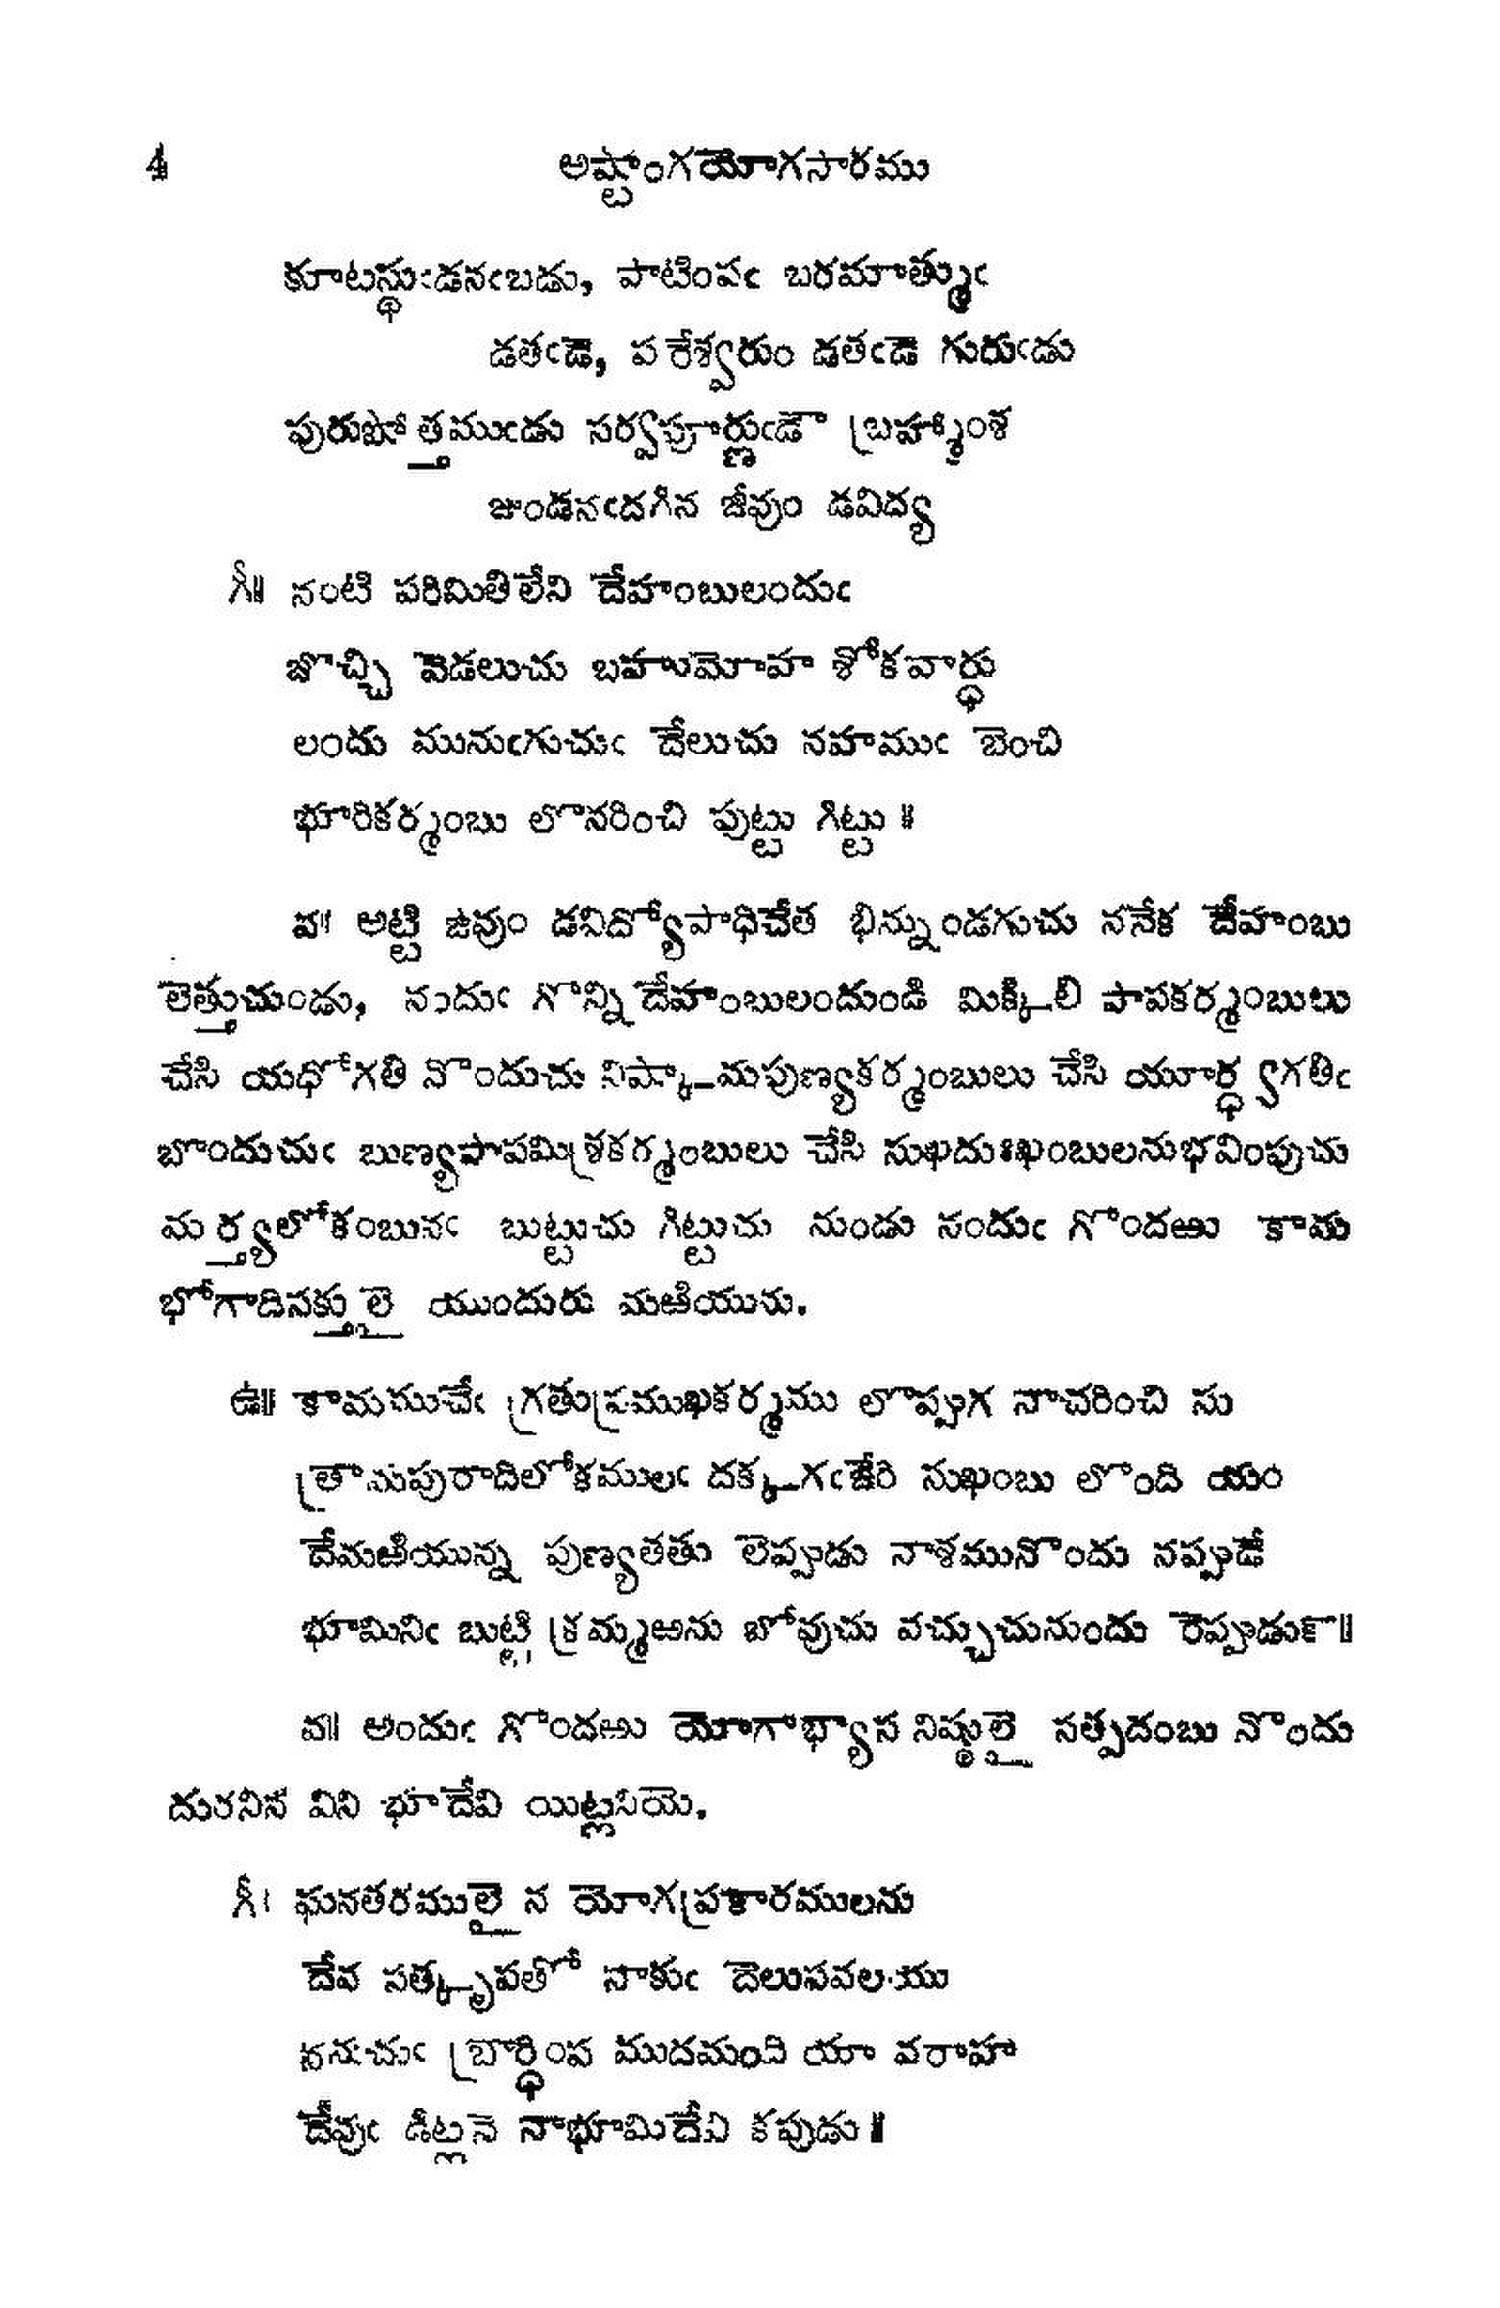కూటస్థుఁడనఁబడు, పాటింపఁ బరమాత్ముఁ
 డతఁడె, పరేశ్వరుం డతఁడె గురుఁడు
 పురుషోత్తముఁడు సర్వపూర్ణుఁడౌ బ్రహ్మాంశ
 జుండనఁదగిన జీవుం డవిద్య
గీ॥ నంటి పరిమితిలేని దేహంబులందుఁ
 జొచ్చి వెడలుచు బహుమోహశోకవార్డు
 లందు మునుఁగుచుఁ దేలుచు నహముఁ బెంచి
 భూరికర్మంబు లొనరించి పుట్టు గిట్టు॥

వ॥ అట్టి జీవుం డవిద్యోపాధిచేత భిన్నుండగుచు ననేకదేహంబు లెత్తుచుండు, నందుఁ గొన్నిదేహంబులందుండి మిక్కిలి పాపకర్మంబులు చేసి యధోగతి నొందుచు నిష్కామపుణ్యకర్మంబులు చేసి యూర్ధ్వగతిఁ బొందుచుఁ బుణ్యపాపమిశ్రకర్మంబులు చేసి సుఖదుఃఖంబు లనుభవింపుచు మర్త్యలోకంబునఁ బుట్టుచు గిట్టుచు నుండు నందుఁ గొందఱు కామభోగాదిసక్తులై యుందురు మఱియును.

ఉ॥ కామముచేఁ గ్రతుప్రముఖకర్మము లొప్పుగ నాచరించి సు
 త్రామపురాదిలోకములఁ దక్కగఁజేరి సుఖంబు లొంది యం
 దేమఱియున్న పుణ్యతతు లెప్పుడు నాశమునొందు నప్పుడే
 భూమినిఁ బుట్టి క్రమ్మఱను బోవుచు వచ్చుచునుందు రెప్పుడున్॥

వ॥ అందుఁ గొందఱు యోగాభ్యాసనిష్ఠులై సత్పదంబు నొందుదురనిన విని భూదేవి యిట్లనియె.

గీ॥ ఘనతరములైన యోగప్రకారములను
 దేవ సత్కృపతో నాకుఁ దెలుపవలయు
 ననుచుఁ బ్రార్ధింప ముదమంది యా వరాహ
 దేవుఁ డిట్లనె నాభూమిదేవి కపుడు॥